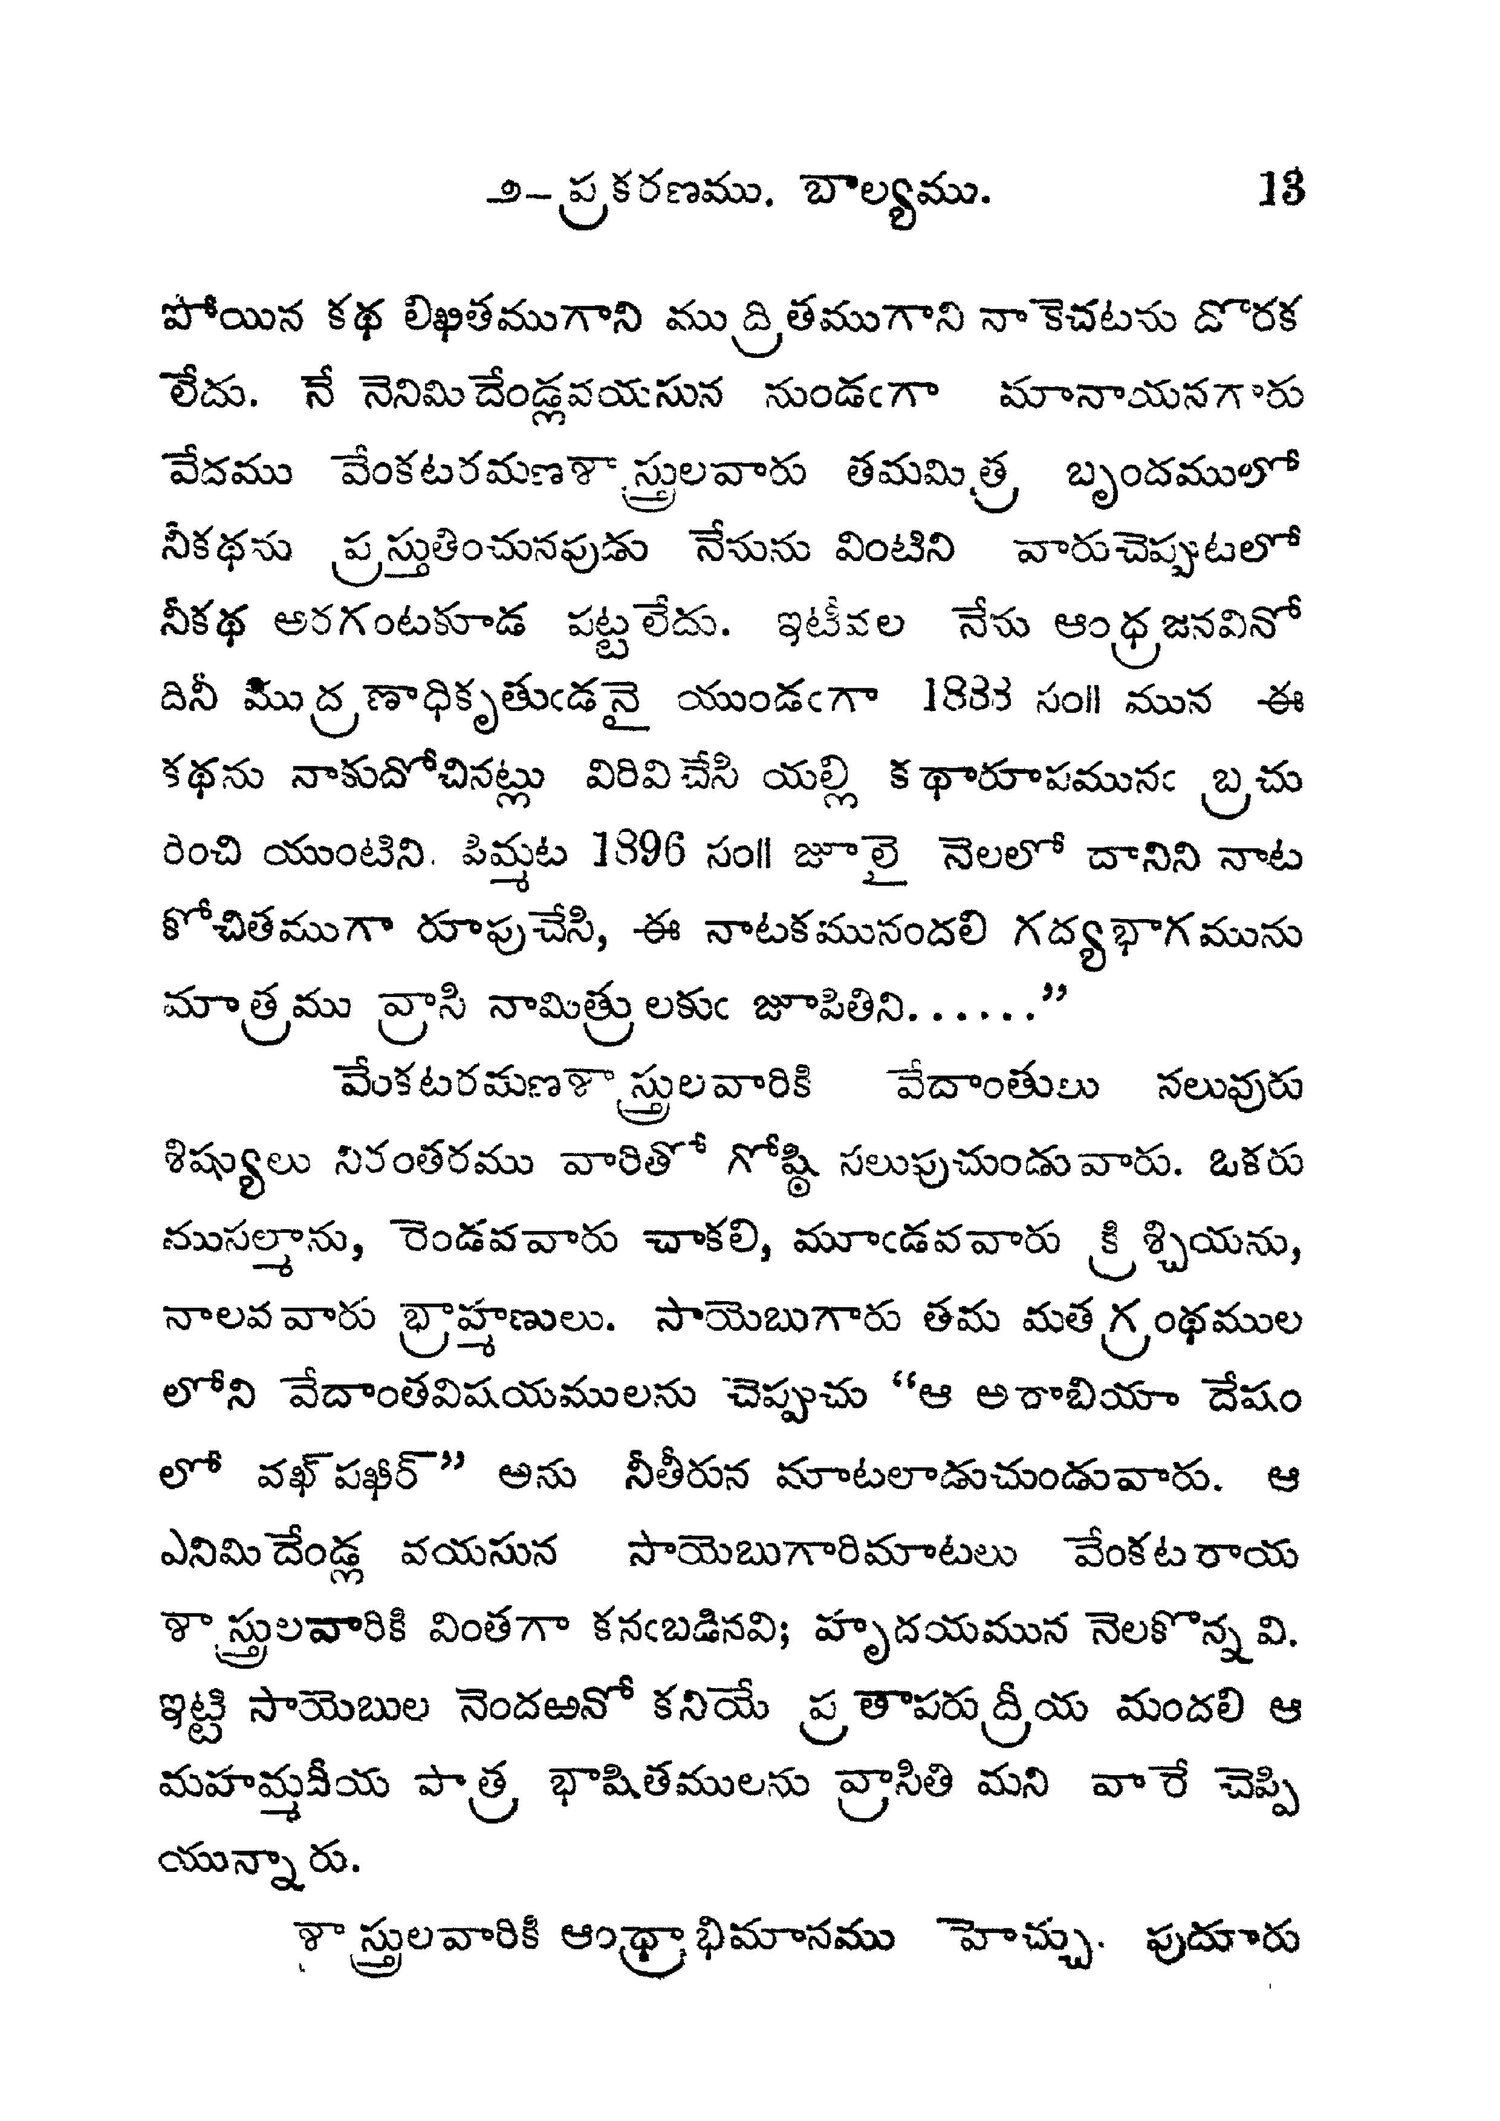పోయిన కథ లిఖితముగాని ముద్రితముగాని నాకెచటను దొరకలేదు. నే నెనిమిదేండ్లవయసున నుండగా మానాయనగారు వేదము వేంకటరమణశాస్త్రులవారు తమమిత్ర బృందములో నీకథను ప్రస్తుతించునపుడు నేనును వింటిని వారుచెప్పుటలో నీకథ అరగంటకూడ పట్టలేదు. ఇటీవల నేను ఆంధ్రజనవినోదినీ ముద్రణాధికృతుడనై యుండగా 1888 సం. మున ఈకథను నాకుదోచినట్లు విరివిచేసి యల్లి కథారూపమున బ్రచురించి యుంటిని. పిమ్మట 1896 సం. జూలై నెలలో దానిని నాటకోచితముగా రూపుచేసి, ఈ నాటకమునందలి గద్యభాగమును మాత్రము వ్రాసి నామిత్రులకు జూపితిని......."

వేంకటరమణశాస్త్రులవారికి వేదాంతులు నలువురు శిష్యులు నిరంతరము వారితో గోష్ఠి సలుపుచుండువారు. ఒకరు ముసల్మాను, రెండవవారు చాకలి, మూడవవారు క్రిశ్చియను, నాలవవారు బ్రాహ్మణులు. సాయెబుగారు తమ మతగ్రంథములలోని వేదాంతవిషయములను చెప్పుచు "ఆ అరాబియా దేషంలో వఖ్‌పఖీర్" అను నీతీరున మాటలాడుచుండువారు. ఆ ఎనిమిదేండ్ల వయసున సాయెబుగారిమాటలు వేంకటరాయశాస్త్రులవారికి వింతగా కనబడినవి; హృదయమున నెలకొన్నవి. ఇట్టి సాయెబుల నెందఱనో కనియే ప్రతాపరుద్రీయ మందలి ఆమహమ్మదీయ పాత్ర భాషితములను వ్రాసితి మని వారే చెప్పియున్నారు.

శాస్త్రులవారికి ఆంధ్రాభిమానము హెచ్చు. పుదూరు